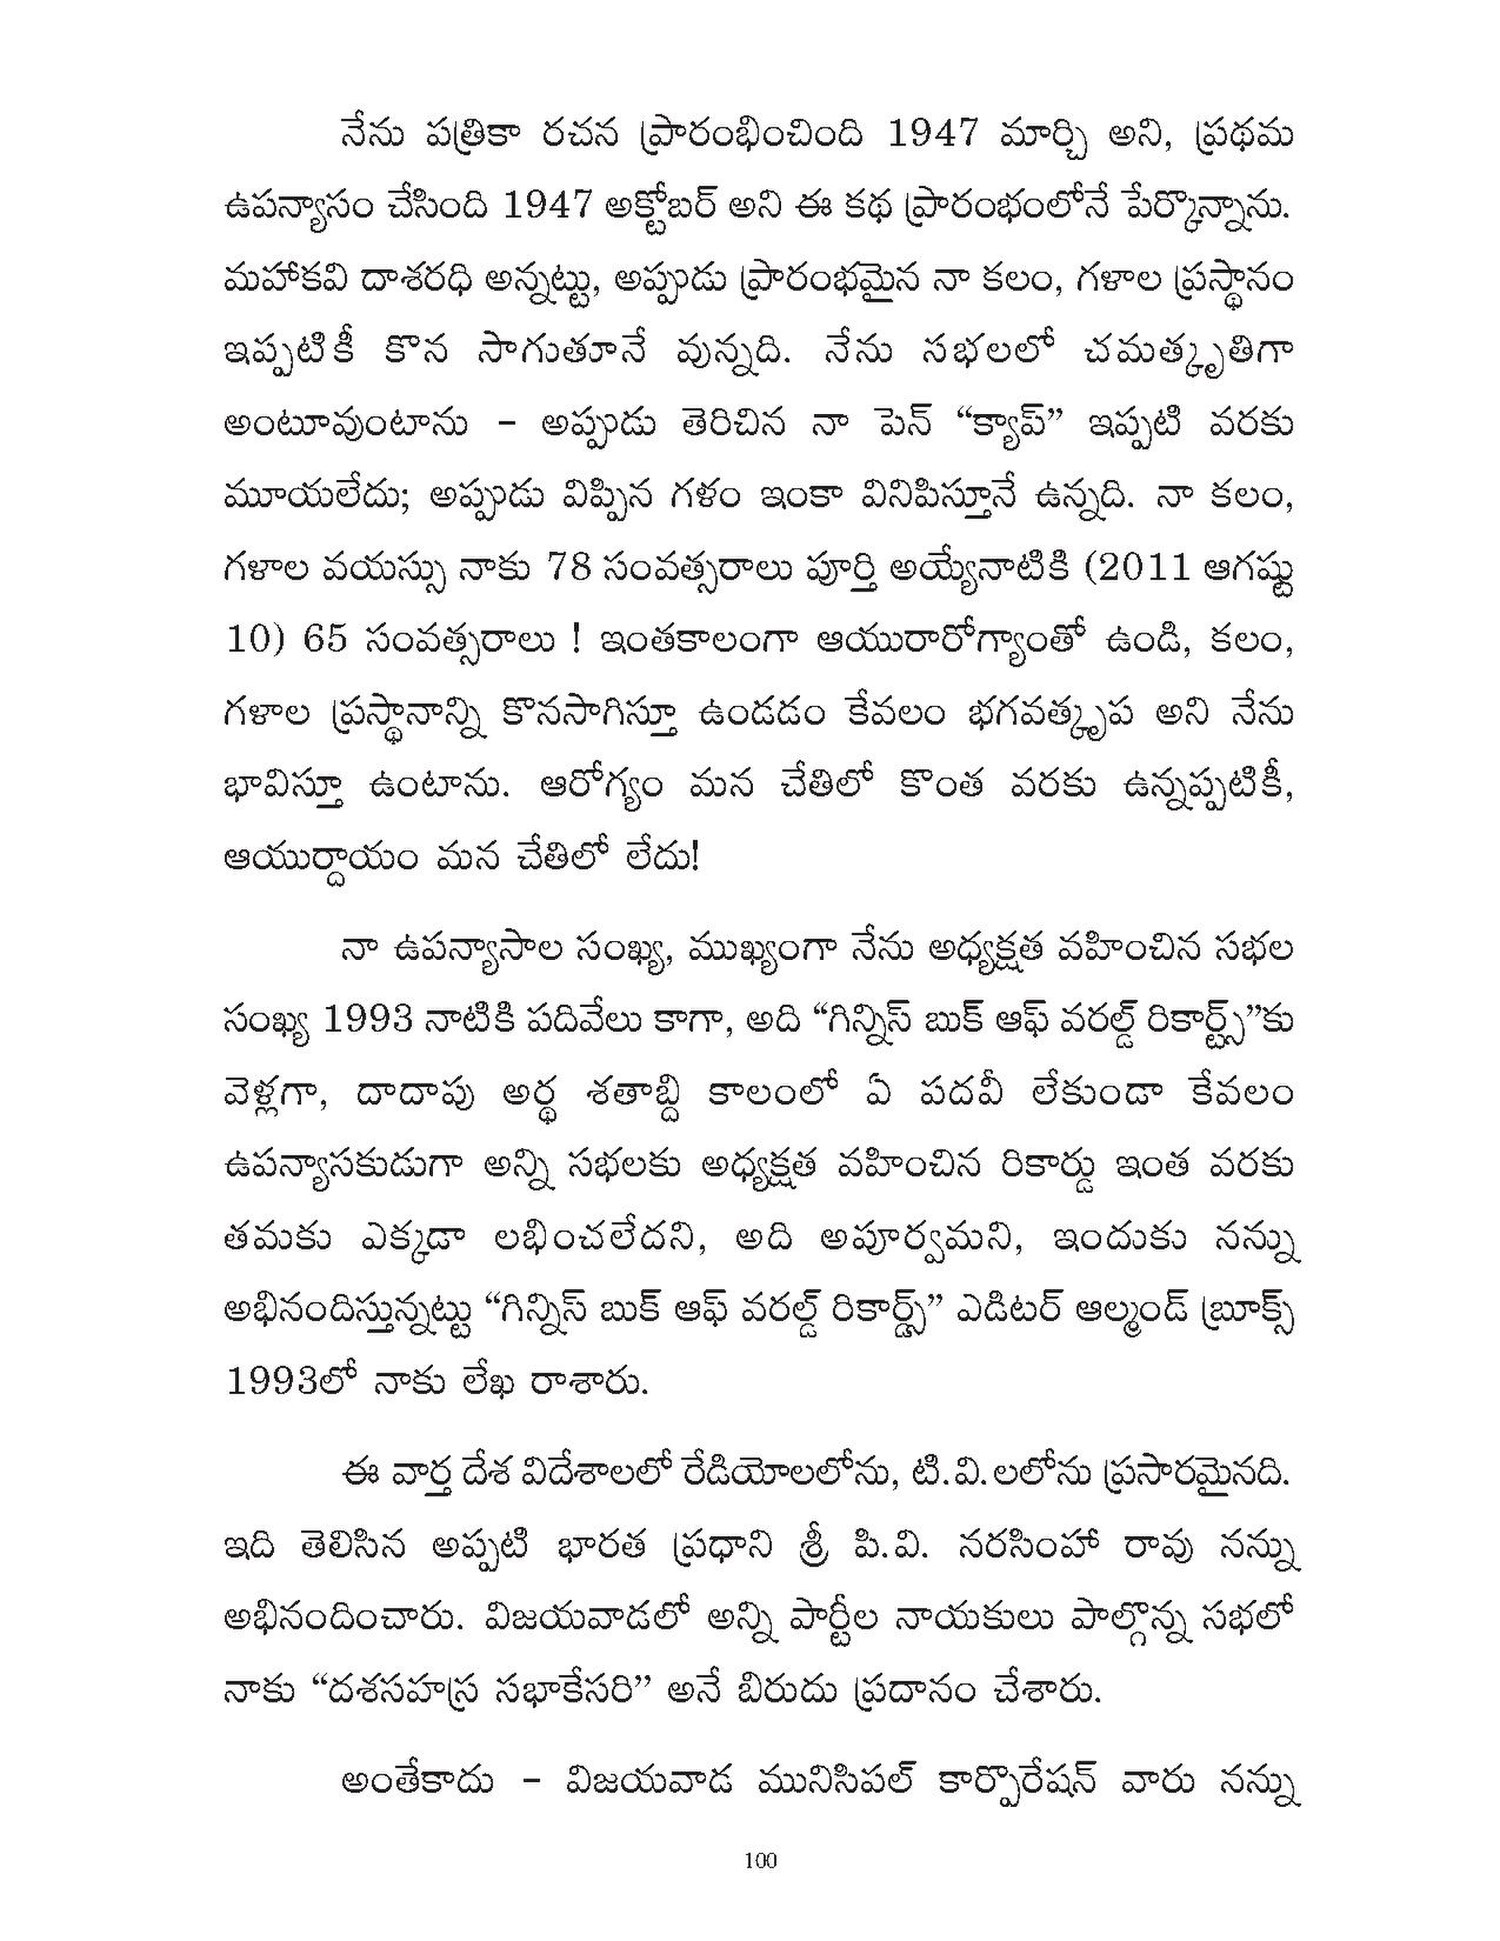నేను పత్రికా రచన ప్రారంభించింది 1947 మార్చి అని, ప్రథమ
ఉపన్యాసం చేసింది 1947 అక్టోబర్‌ అని ఈ కథ ప్రారంభంలోనే పేర్కొన్నాను.
మహాకవి దాశరధి అన్నట్టు, అప్పుడు ప్రారంభమైన నా కలం, గళాల ప్రస్థానం
ఇప్పటికీ కొన సాగుతూనే వున్నది. నేను సభలలో చమత్కృతిగా
అంటూవుంటాను - అప్పుడు తెరిచిన నా పెన్‌ "క్యాప్‌" ఇప్పటి వరకు
మూయలేదు; అప్పుడు విప్పిన గళం ఇంకా వినిపిస్తూనే ఉన్నది. నా కలం,
గళాల వయస్సు నాకు 78 సంవత్సరాలు పూర్తి అయ్యేనాటికి (2011 ఆగష్టు
10) 65 సంవత్సరాలు ! ఇంతకాలంగా ఆయురారోగ్యంతో ఉండి, కలం,
గళాల ప్రస్థానాన్ని కొనసాగిస్తూ ఉండడం కేవలం భగవత్కృప అని నేను
భావిస్తూ ఉంటాను. ఆరోగ్యం మన చేతిలో కొంత వరకు ఉన్నప్పటికీ,
ఆయుర్దాయం మన చేతిలో లేదు!

నా ఉపన్యాసాల సంఖ్య, ముఖ్యంగా నేను అధ్యక్షత వహించిన సభల
సంఖ్య 1993 నాటికి పదివేలు కాగా, అది "గిన్నిస్‌ బుక్‌ ఆఫ్‌ వరల్డ్‌ రికార్డ్స్"కు
వెళ్లగా, దాదాపు అర్థ శతాబ్ది కాలంలో ఏ పదవీ లేకుండా కేవలం
ఉపన్యాసకుడుగా అన్ని సభలకు అధ్యక్షత వహించిన రికార్డు ఇంత వరకు
తమకు ఎక్కడా లభించలేదని, అది అపూర్వమని, ఇందుకు నన్ను
అభినందిస్తున్నట్టు "గిన్నిస్‌ బుక్‌ ఆఫ్‌ వరల్డ్‌ రికార్డ్స్ఠ్" ఎడిటర్‌ ఆల్మండ్‌ బ్రూక్స్
1993లో నాకు లేఖ రాశారు.

ఈ వార్త దేశ విదేశాలలో రేడియోలలోను, టి.వి.లలోను ప్రసారమైనది.
ఇది తెలిసిన అప్పటి భారత ప్రధాని శ్రీ పి.వి. నరసింహా రావు నన్ను
అభినందించారు. విజయవాడలో అన్ని పార్టీల నాయకులు పాల్గొన్న సభలో
నాకు "దశసహస్ర సభాకేసరి" అనే బిరుదు ప్రదానం చేశారు.

అంతేకాదు - విజయవాడ మునిసిపల్‌ కార్పొరేషన్‌ వారు నన్ను